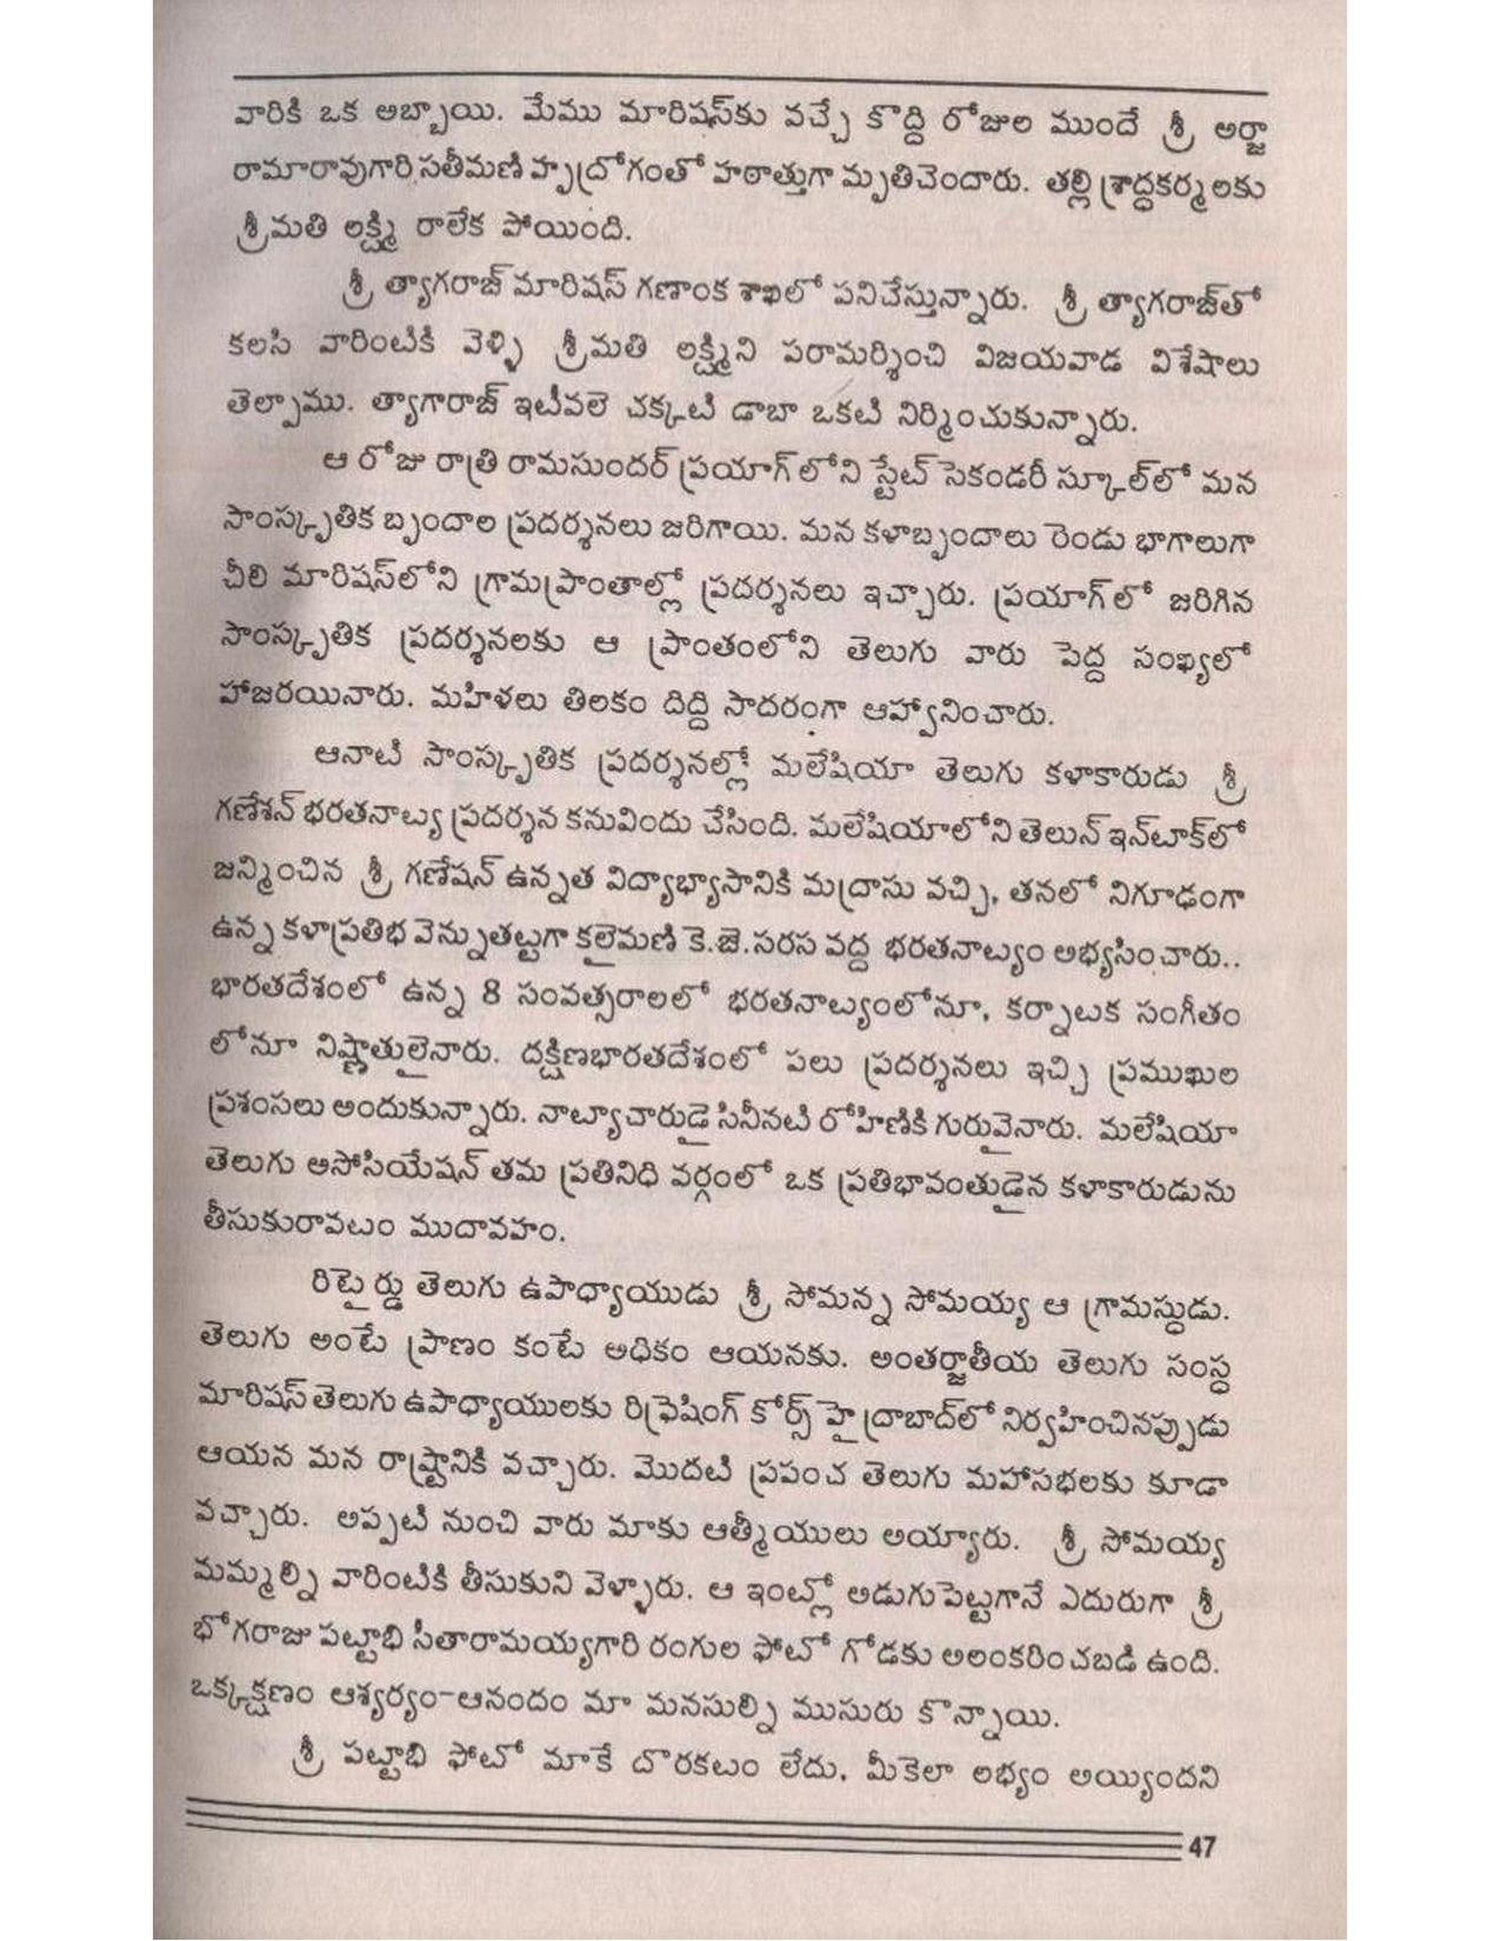వారికి ఒక అబ్బాయి. మేము మారిషన్ కు వచ్చే కొద్ది రోజుల ముందే శ్రీ అర్జా రామారావుగారి సతీమణిహృద్రోగంతో హఠాత్తుగా మృతిచెందారు. తల్లి శ్రాద్ధకర్మలకు శ్రీమతి లక్ష్మీ రాలేకపోయింది

శ్రీ త్యాగరాజ్ మారిషస్ గణాంక శాఖలో పనిచేస్తున్నారు. శ్రీ త్యాగరాజ్ తో కలసి వారింటికీ వెళ్ళి శ్రీమతి లక్ష్మిని పరామర్శించి విజయవాడ విశేషాలు తెల్పాము. త్యాగారాజ్ ఇటీవలె చక్కటి డాబా ఒకటి నిర్మించుకున్నారు.

ఆ రోజు రాత్రి రామసుందర్ ప్రయాగ్ లోని స్టేట్ సెకండరీ స్కూల్లో మన సాంస్కృతిక బృందాలు ప్రదర్శనలు జరిగాయి. మన కళాబృందాలు రెండు భాగాలుగా చీలి మారిషన్ లోని గ్రామప్రాంతాల్లో ప్రదర్శనలు ఇచ్చారు. ప్రయాగలో జరిగిన సాంస్కృతిక ప్రదర్శనలకు ఆ ప్రాంతంలోని తెలుగు వారు పెద్ద సంఖ్యలో హాజరయినారు. మహిళలు తిలకం దిద్ది సాదరంగా ఆహ్వానించారు.

ఆనాటి సాంస్కృతిక ప్రదర్శనల్లో మలేషియా తెలుగు కళాకారుడు శ్రీ గణేశన్ భరతనాట్య ప్రదర్శన కనువిందు చేసింది. మలేషియాలోని తెలున్ ఇన్ టాక్ లోజన్మించిన శ్రీ గణేషన్ ఉన్నత విద్యాభ్యాసానికి మద్రాసు వచ్చి, తనలో నిగూఢంగా ఉన్న కళాప్రతిభ వెన్నుతట్టగా కలైమణి కె.జె.సరస వద్ద భరతనాట్యం అభ్యసించారు. భారతదేశంలో ఉన్న 8 సంవత్సరాలలో భరతనాట్యంలోనూ, కర్నాటక సంగీతం లోనూ నిష్ణాతులైనారు. దక్షిణభారతదేశంలో పలు ప్రదర్శనలు ఇచ్చి ప్రముఖుల ప్రశంసలు అందుకున్నారు. నాట్యాచారుడై సినీనటి రోహిణికి గురువైనారు. మలేషియా తెలుగు అసోసియేషన్ తమ ప్రతినిధి వర్గంలో ఒక ప్రతిభావంతుడైన కళాకారుడును తీసుకురావటం ముదావహం.

రిటైర్డు తెలుగు ఉపాధ్యాయుడు శ్రీ సోమన్న సోమయ్య ఆ గ్రామస్ధుడు. తెలుగు అంటే ప్రాణం కంటే అధికం ఆయనకు. అంతర్జాతీయ తెలుగు సంస్థ మారిషస్ తెలుగు ఉపాధ్యాయులకు రిఫ్రెషింగ్ కోర్స్ హైద్రాబాద్ లో నిర్వహించినప్పుడు ఆయన మన రాష్ట్రానికి వచ్చారు. మొదటి ప్రపంచ తెలుగు మహాసభలకు కూడా వచ్చారు. అప్పటి నుంచి వారు మాకు ఆత్మీయులు అయ్యారు. శ్రీ సోమయ్య మమ్మల్ని వారింటికి తీసుకుని వెళ్ళారు. ఆ ఇంట్లో అడుగుపెట్టగానే ఎదురుగా శ్రీ భోగరాజు పట్టాభి సీతారామయ్యగారి రంగుల ఫోటో గోడకు అలంకరించబడి ఉంది. ఒక్క క్షణం ఆశ్యర్యం-ఆనందం మా మనసుల్ని ముసురు కొన్నాయి.

శ్రీ పట్టాభి ఫోటో మాకే దొరకటం లేదు, మీకెలా లభ్యం అయ్యిందని